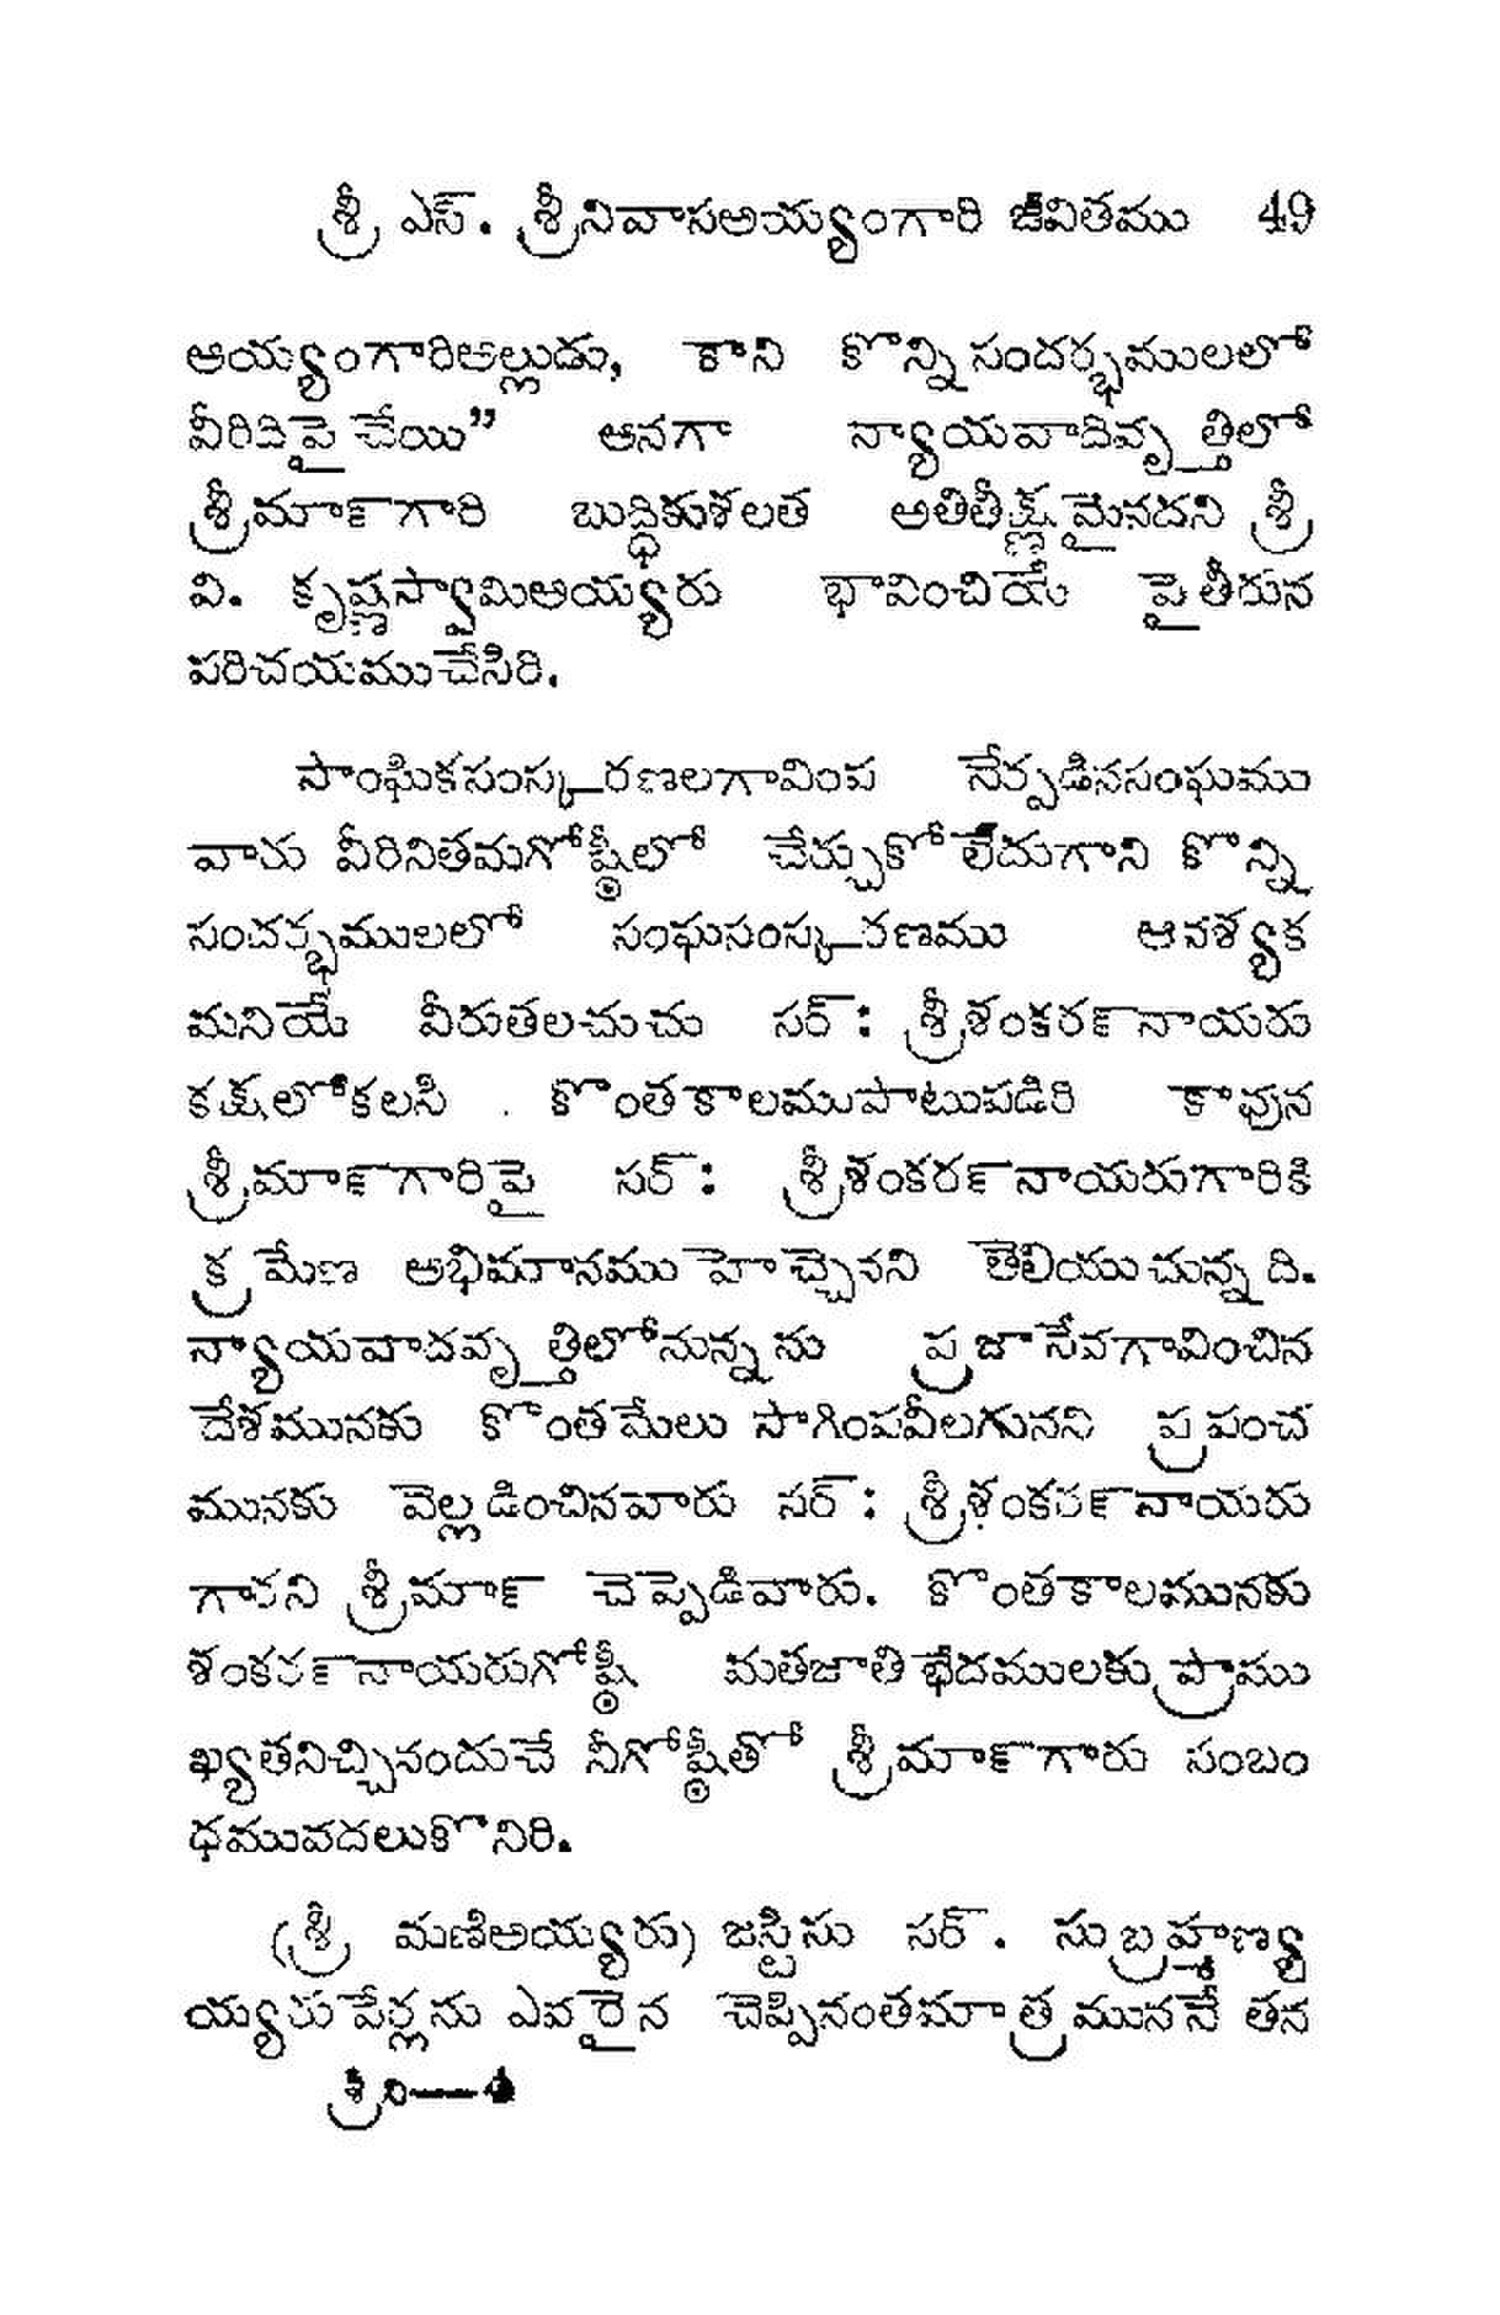అయ్యంగారిఅల్లుడు, కాని కొన్నిసందర్భములలో వీరిదిపైచేయి” అనగా న్యాయవాదివృత్తిలో శ్రీమా౯గారి బుద్ధికుశలత అతితీక్ష్ణమైనదని శ్రీ వి. కృష్ణస్వామిఅయ్యరు భావించియే పైతీరున పరిచయముచేసిరి.

సాంఘికసంస్కరణలగావింప నేర్పడినసంఘము వారు వీరినితమగోష్ఠీలో చేర్చుకోలేదుగాని కొన్ని సందర్బములలో సంఘసంస్కరణము ఆవశ్యకమనియే వీరుతలచుచు సర్: శ్రీశంకర౯నాయరు కక్షలోకలసి కొంతకాలముపాటుపడిరి. కావున శ్రీమా౯గారిపై సర్ : శ్రీశంకర౯నాయరుగారికి క్రమేణ అభిమానము హెచ్చెనని తెలియుచున్నది. న్యాయవాదవృత్తిలోనున్నను ప్రజాసేవగావించిన దేశమునకు కొంతమేలు సాగింపవీలగునని ప్రపంచమునకు వెల్లడించిన వారు సర్: శ్రీ శంకర౯నాయరు గారని శ్రీమా౯ చెప్పెడివారు. కొంతకాలమునకు శంకర౯నాయరుగోష్ఠీ మతజాతిభేదములకు ప్రాముఖ్యతనిచ్చినందుచే నీగోష్ఠీతో శ్రీమా౯గారు సంబంధము వదలుకొనిరి.

(శ్రీ మణిఅయ్యరు) జస్టిసు సర్. సుబ్రహ్మణ్యయ్యరుపేర్లను ఎవరైన చెప్పినంత మాత్రముననే తన